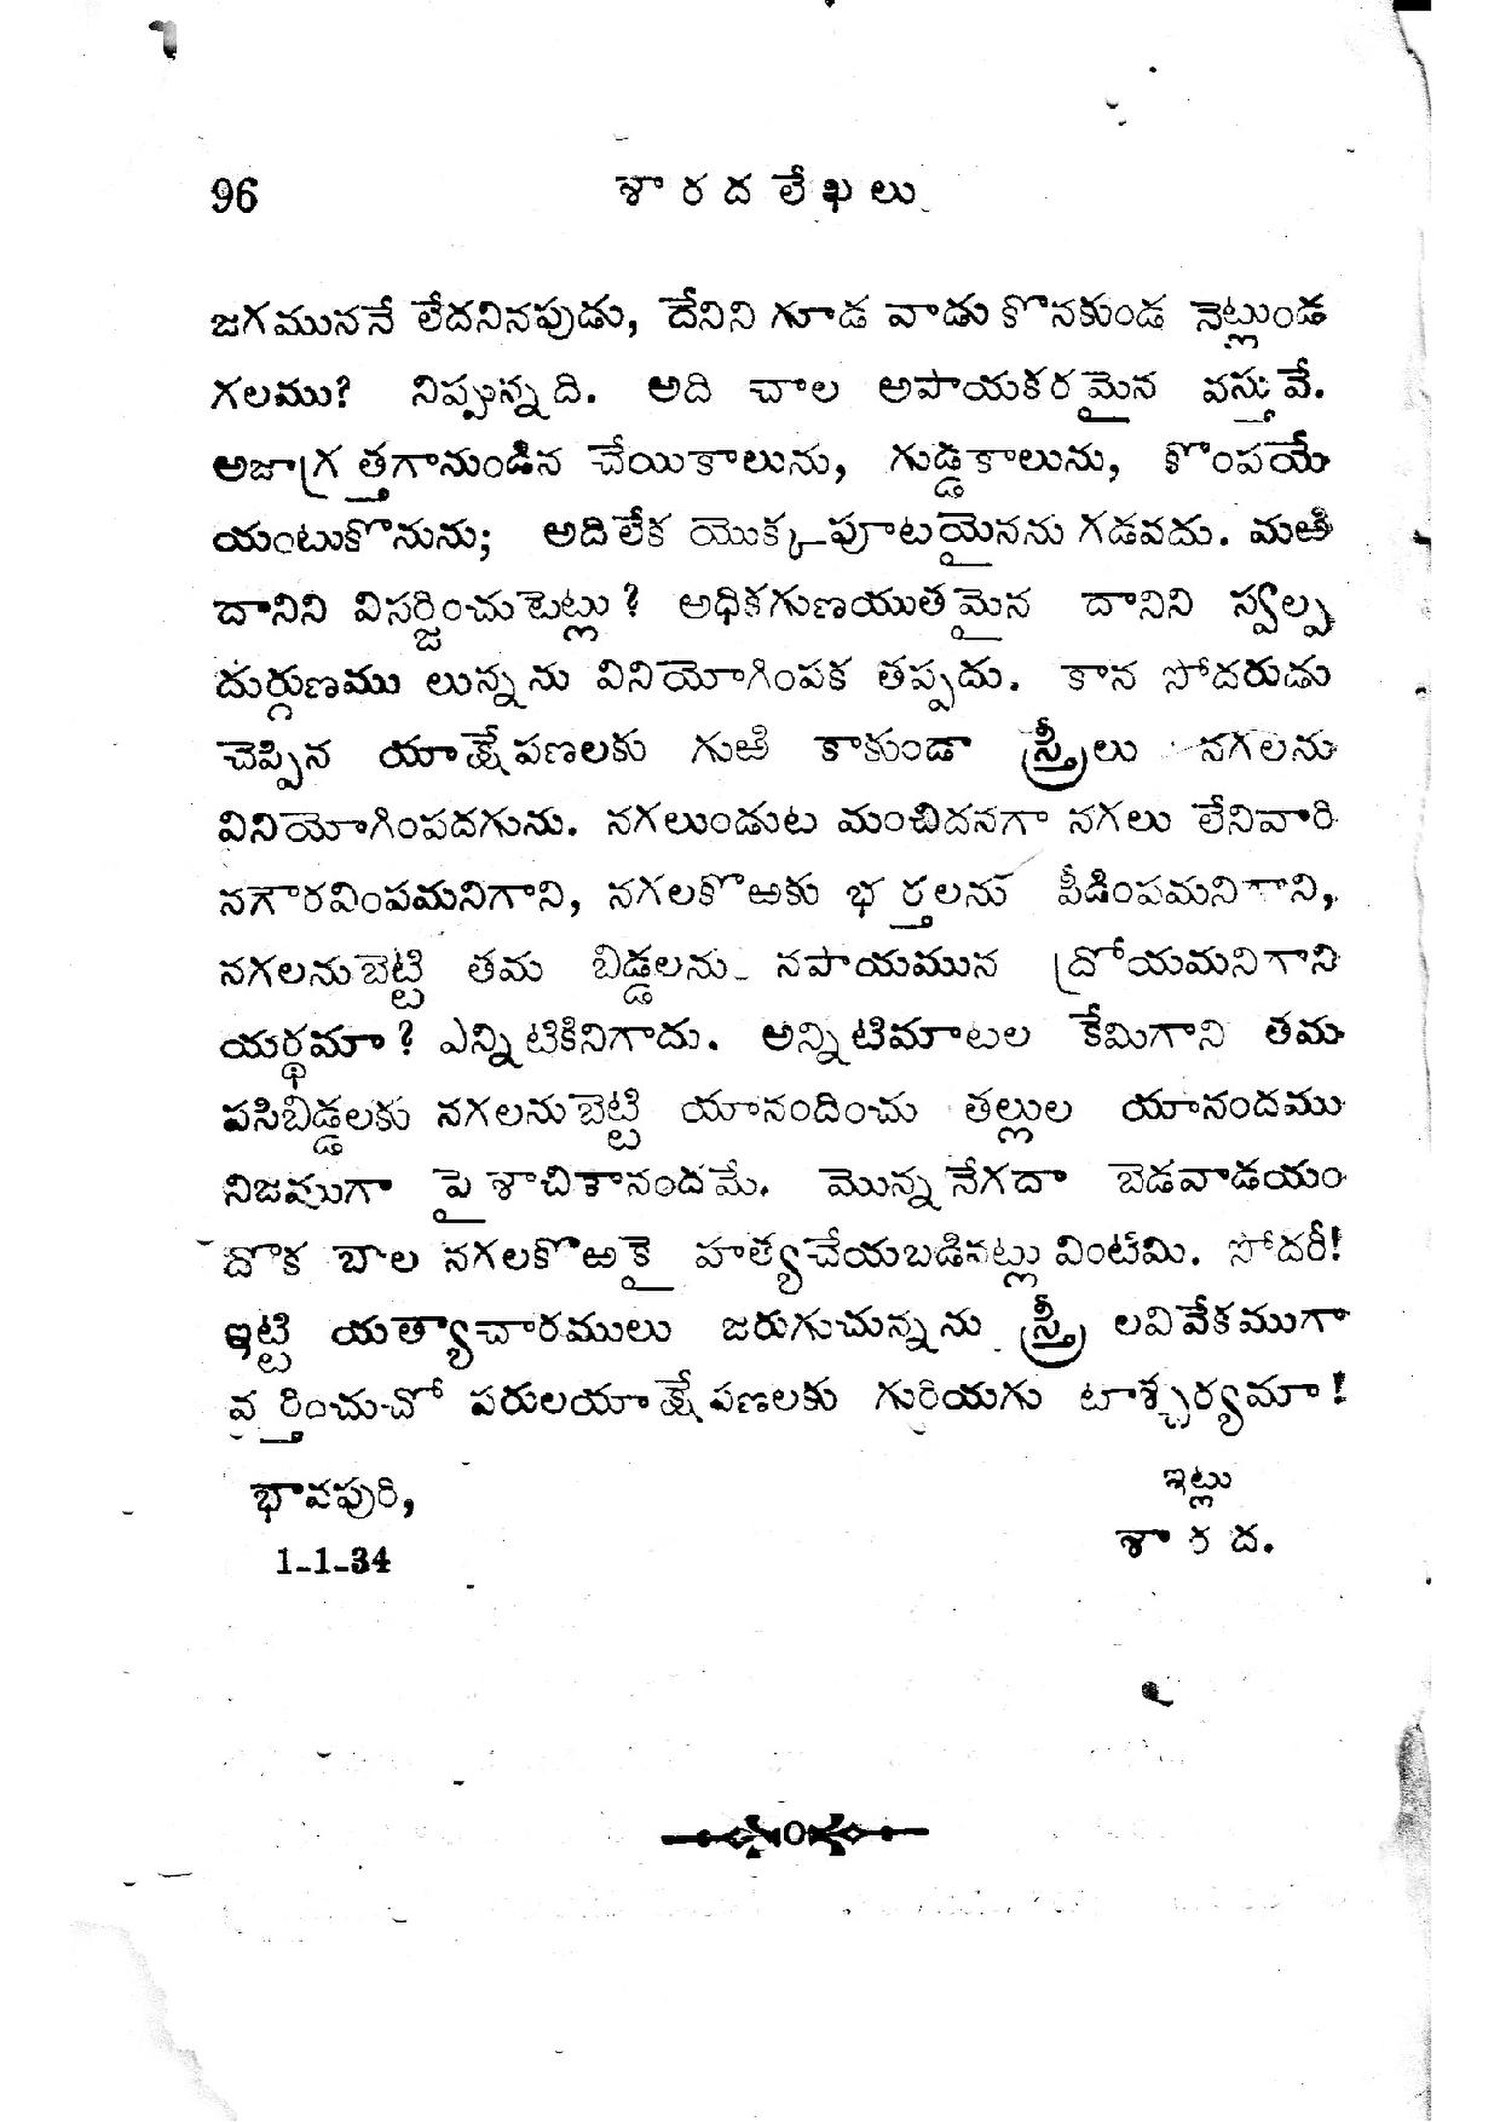జగముననే లేదనినపుడు, దేనినిగూడ వాడుకొనకుండ నెట్లుండ
గలము? నిప్పున్నది. అది చాలా అపాయకరమైన వస్తువే. అజాగ్రత్తగానుండిన చేయికాలును, గుడ్డకాలును, కొంపయే యంటుకొనును; అదిలేక యొక్క పూటయైనను గడవదు. మఱి దానిని విసర్జించుటెట్లు? అధిక గుణయుతమైన దానిని స్వల్ప దుర్గుణము లున్నను వినియోగింపక తప్పదు. కాన సోదరుడు
చెప్పిన యాక్షేపణలకు గుఱి కాకుండా స్త్రీలు నగలను వినియోగింపదగును. నగలుండుట మంచిదనగా నగలు లేనివారి నగౌరవింపమనిగాని, నగల కొఱకు భర్తలను పీడింపమని గాని, నగలను బెట్టి తమ బిడ్డలను నపాయమున ద్రోయమనిగాని యర్థమా? ఎన్ని టికినిగాదు. అన్నిటిమాటల కేమిగాని తమ
పసిబిడ్డలకు నగలను బెట్టి యానందించు తల్లుల యానందము నిజముగా పైశాచికానందమే. మొన్ననేగదా బెడవాడయం
దొక బాల నగలకొఱకై హత్యచేయబడినట్లు వింటిమి. సోదరీ! 
ఇట్టి యత్యాచారములు జరుగుచున్నను స్త్రీ లవివేకముగా 
వర్తించుచో పరులయాక్షేపణలకు గురియగు టాశ్చర్యమా!